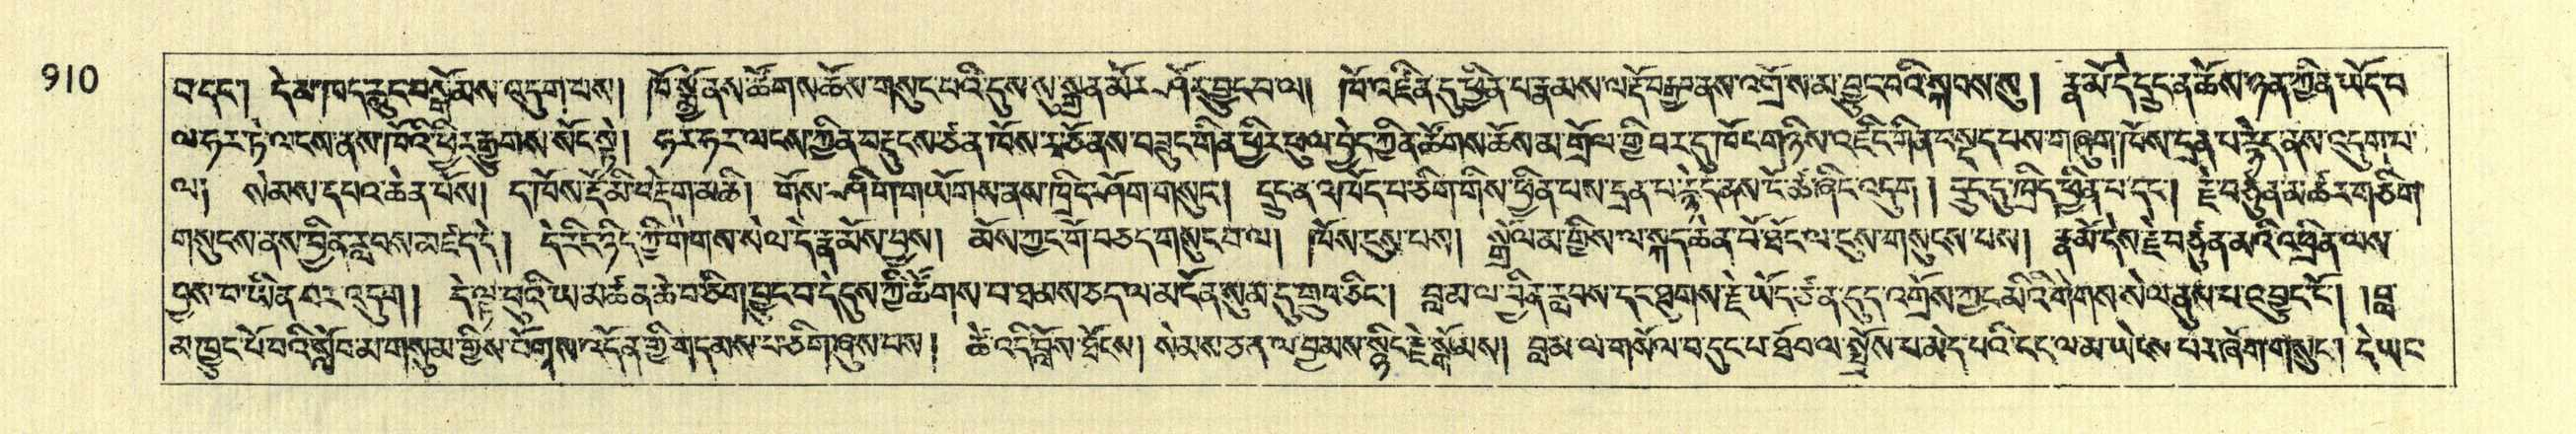བ་དང་། དེ་མ་ཁད་རླུང་བསྒོམས་འདུག་པས། ཁོ་སྨྱོ་ནས་ཚོགས་ཆོས་གསུང་པའི་དུས་སུ་སྒྲན་མོར་ཤོར་བྱུང་བ་ལ། ཁོ་འཛིན་དུ་ཕྱིན་པ་རྣམས་ལ་རྡོ་བརྒྱབ་ནས་འགྲོ་ས་མ་བྱུང་བའི་སྐབས་སུ། རྣ་མོ་དེ་དྲུང་ན་ཆོས་ཉན་ཀྱིན་ཡོད་བ་
ལ་ཧར་ཏེ་ལངས་ནས་ཁོའི་ཕྱིར་རྒྱུགས་སོང་སྟེ། ཧར་ཧར་ལངས་ཀྱིན་བརྡུངས་ཙ་ན་ཁོས་རྭ་ཅོ་ནས་བཟུང་གིན་ཕྱིར་ཕུལ་བྱེད་ཀྱིན་ཚོགས་ཆོས་མ་གྲོལ་གྱི་བར་དུ་ཁོང་གཉིས་འཛིང་གིན་བསྡད་པས་གཞུག་ཁོས་དྲན་པ་རྙེད་ནས་འདུག་པ་
ལ༑ སེམས་དཔའ་ཆེན་པོས། ད་ཁོས་རྡོ་མི་བརྡེག་མཆི། གོས་ཤིག་གཡོགས་ནས་ཁྲིད་ཤོག་གསུང་། དྲུང་ན་འཁོད་པ་ཅིག་གིས་ཕྱིན་པས་དྲན་པ་རྙེད་ནས་ངོ་ཚ་ཞིང་འདུག། དྲུང་དུ་ཁྲིད་ཕྱིན་པ་དང་། རྗེ་བཙུན་མཚར་གཅིག་
གསུངས་ནས་བྱིན་རླབས་མཛད་དེ། དེ་རིང་ཉིད་ཀྱི་གེགས་སེལ་དེ་རྣ་མོས་བྱས། མོས་ཀྱང་གོ་བཅད་གསུང་བ་ལ། ཁོས་དུས་པས། སྒྲོལ་མ་གྱིས་ལ་སྐད་ཆེན་བོ་ཐོང་ལ་དུས་གསུངས་པས། རྣ་མོ་དེས་རྗེ་བཙུན་མའི་འཕྲིན་ལས་
བྱས་བ་ཡིན་བར་འདུག། དེ་ལྟ་བུའི་ཡ་མཚན་ཆེ་བ་ཅིག་བྱུང་བ་དེ་དུས་ཀྱི་ཚོགས་པ་ཐམས་ཅད་ལ་མངོན་སུམ་དུ་གྲུབ་ཅིང་། བླ་མ་ལ་བྱིན་རླབས་དང་ཐུགས་རྗེ་ཡོད་ཙ་ན་དུད་འགྲོས་ཀྱང་མིའི་གེགས་སེལ་ནུས་པ་འབྱུང་ངོ། །བླ་
མཁྱུང་པོ་བའི་སློབ་མ་གསུམ་གྱིས་བོགས་འདོན་གྱི་གདམས་པ་ཅིག་ཞུས་པས། ཚེ་འདི་བློས་ཐོངས། སེམས་ཅན་ལ་བྱམས་སྙིང་རྗེ་སྒོམས། བླ་མ་ལ་གསོལ་བ་དུང་པ་ཐོབ་ལ་སྤྲོས་པ་མེད་པའི་ངང་ལམ་ཡེངས་པར་ཞོག་གསུང་། དེ་ཡང་